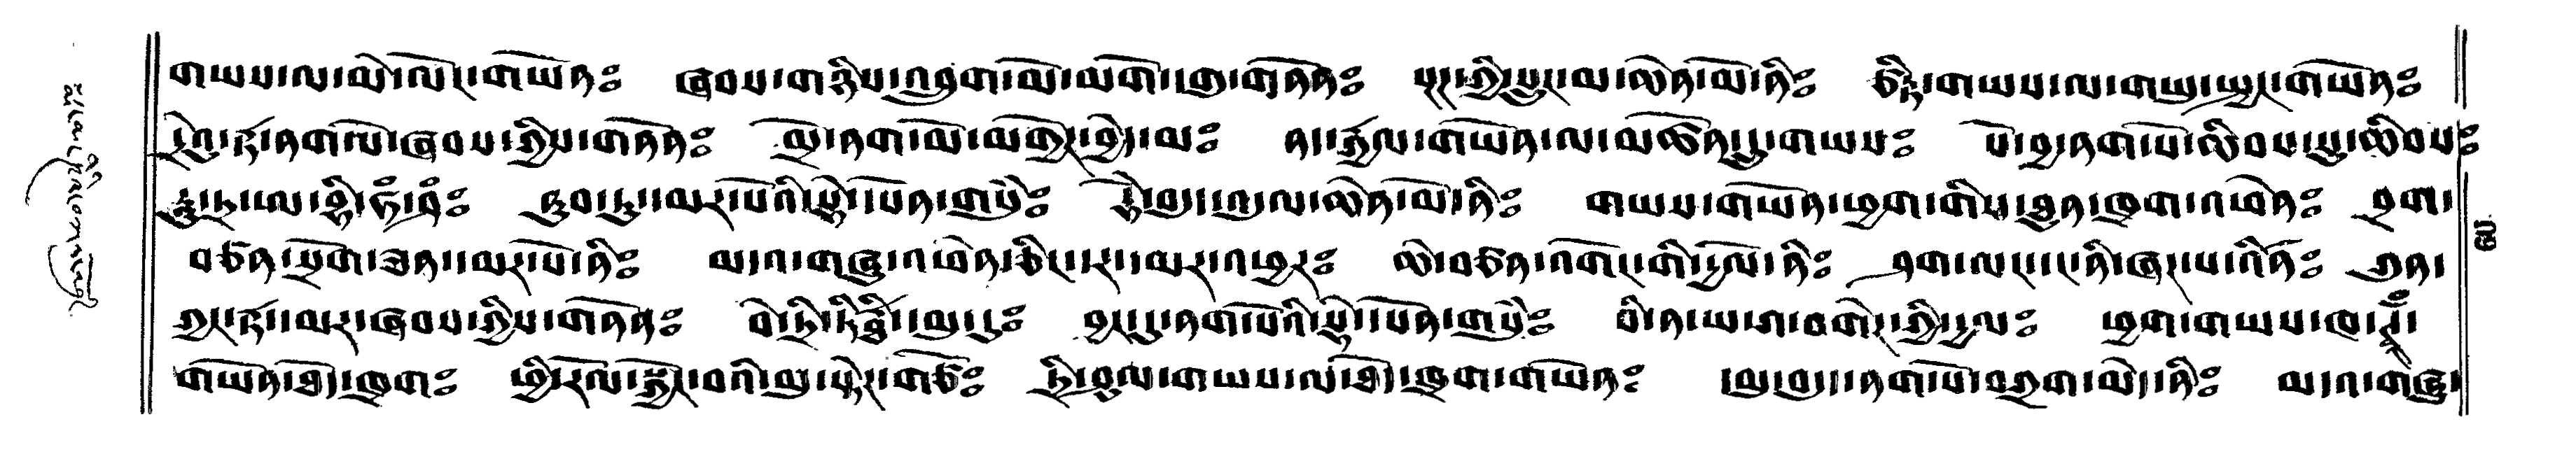གཡས་ལ་མེ་ལོང་གཡོནཿ ཞབས་གཉིས་འབྲུག་མོ་མགོ་དགུ་གནོནཿ སྔགས་ཀྱི་སྲུང་མ་ཆེན་མོ་ནིཿ ཙིཏྟ་གཡས་ལ་གཡུ་སྤྱང་གཡོནཿ 
དྲེའུ་རྟ་ནག་ལོ་ཞབས་ཀྱིས་གནོནཿ མཁའ་འགྲོ་ནག་མོ་མགྱོགས་བྱེད་མཿ ནད་རྐྱལ་གཡོན་ལ་མཚོན་གྲུུ་གཡསཿ པོ་བྱ་ནག་པོ་ཆིབས་སུ་ཆིབསཿ 
རཱུ་ཏྲ་ཨ་བྷི་ཧཾ་ཤཾཿ ནུབ་ཏུ་དམར་པོའི་སྡེ་དཔོན་གསུམཿ རྡོ་རྗེ་བདུད་འདུལ་ཆེན་མོ་ནིཿ གཡས་གཡོན་ཕྱག་གིས་ཐུན་ཁྲག་འཕེནཿ བྲག་
བཙན་སྲོག་ཟན་དམར་པོ་ནིཿ མདའ་གཞུ་འཕེན་ཅིང་དར་དམར་འཕྱརཿ ཆེ་བཙན་འགོང་གི་རྒྱལ་པོ་ནིཿ ཤག་ལང་དང་ནི་ཞགས་པ་འཛིནཿ ཀུན་
ཀྱང་རྟ་དམར་ཞབས་ཀྱིས་གནོནཿ བེ་ཏྲི་ཏིརྠི་དམུ་དུཿ བྱང་དུ་ནག་པོའི་སྡེ་དཔོན་གསུམཿ བི་ན་ཡ་ཀ་བགེགས་ཀྱི་རྒྱལཿ ཕྱག་གཡས་ཁ་ཊྭཱྃ་
གཡོན་ཐོད་ཁྲགཿ ཕྱི་རོལ་སྐྱོང་བའི་མུ་སྟེགས་གཙོཿ ཏྲི་ཤུལ་གཡས་ལ་ཐོད་ཁྲག་གཡོནཿ དམུ་བདུད་ནག་པོ་བཀྲག་མེད་ནིཿ མདའ་གཞུ་